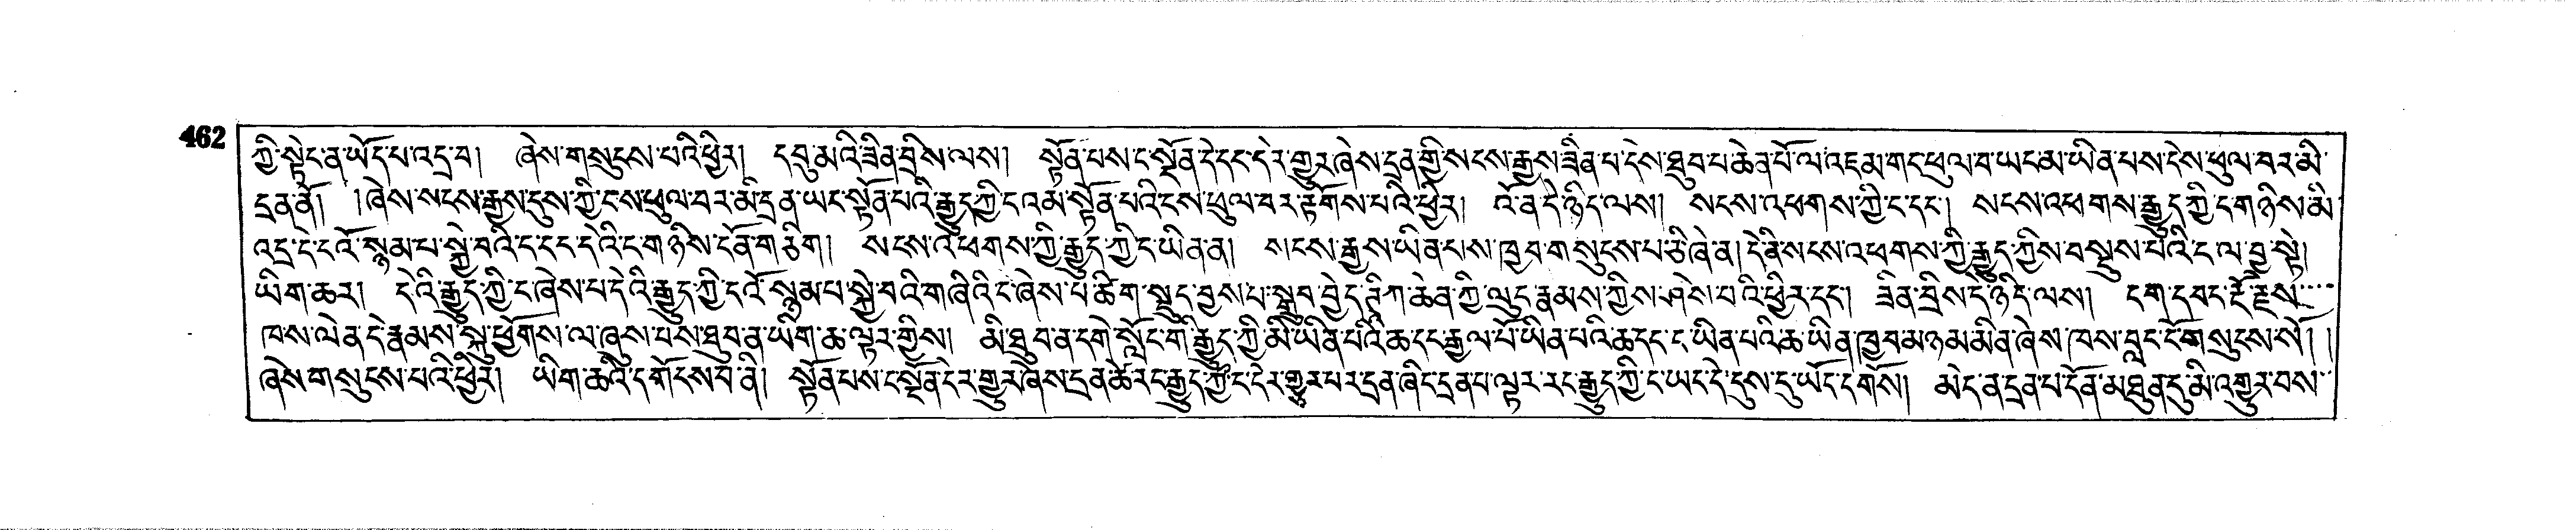ཀྱི་སྟེང་ན་ཡོད་པ་འདྲ་བ། ཞེས་གསུངས་པའི་ཕྱིར། དབུ་མའི་ཟིན་བྲིས་ལས། སྟོན་པས་ང་སྔོན་དེ་དང་དེར་གྱུར་ཞེས་དྲན་གྱི་སངས་རྒྱས་ཟིན་པ་དེས་ཐུབ་པ་ཆེན་པོ་ལ་འཇམ་གང་ཕུལ་བ་ཡང་མ་ཡིན་པས་དེས་ཕུལ་བར་མི་
དྲན་ནོ། །ཞེས་སངས་རྒྱས་དུས་ཀྱི་ངས་ཕུལ་བར་མི་དྲན་ཡང་སྟོན་པའི་རྒྱུད་ཀྱི་ངའམ་སྟོན་པའི་ངས་ཕུལ་བར་རྟོགས་པའི་ཕྱིར། འོ་ན་དེ་ཉིད་ལས། སངས་འཕགས་ཀྱི་ང་དང་། སངས་འཕགས་རྒྱུད་ཀྱི་ང་གཉིས་མི་
འདྲ་དེ་ངའོ་སྙམ་པ་སྐྱེ་བའི་ང་དང་དེའི་ང་གཉིས་དོན་གཅིག །སངས་འཕགས་ཀྱི་རྒྱུད་ཀྱི་ང་ཡིན་ན། སངས་རྒྱས་ཡིན་པས་ཁྱབ་གསུངས་པ་ཅི་ཞེ་ན། དེ་ནི་སངས་འཕགས་ཀྱི་རྒྱུད་ཀྱིས་བསྡུས་པའི་ང་ལ་བྱ་སྟེ།
ཡིག་ཆར། དེའི་རྒྱུད་ཀྱི་ང་ཞེས་པ་དེའི་རྒྱུད་ཀྱི་ངའོ་སྙམ་པ་སྐྱེ་བའི་གཞིའི་ང་ཞེས་པ་ཚིག་སྡུད་བྱས་པ་སྒྲུབ་བྱེད་ཊཱིཀ་ཆེན་གྱི་ལུང་རྣམས་ཀྱིས་ཤེས་པའི་ཕྱིར་དང་། ཟིན་བྲིས་དེ་ཉིད་ལས། ངག་དབང་རྡོ་རྗེས་
ཁས་ལེན་དེ་རྣམས་སྐུ་ཕྱོགས་ལ་ཞུས་པས་ཐུབ་ན་ཡིག་ཆ་ལྟར་གྱིས། མི་ཐུབ་ན་དགེ་སློང་གི་རྒྱུད་ཀྱི་མི་ཡིན་པའི་ཆ་དང་རྒྱལ་པོ་ཡིན་པའི་ཆ་དང་ང་ཡིན་པའི་ཆ་ཡིན་ཁྱབ་མཉམ་མིན་ཞེས་ཁས་བླང་ངོ་གསུངས་སོ། །
ཞེས་གསུངས་པའི་ཕྱིར། ཡིག་ཆའི་དགོངས་བ་ནི། སྟོན་པས་ང་སྔོན་དེར་གྱུར་ཞེས་དྲན་ཚེ་རང་རྒྱུད་ཀྱི་ང་དེར་གྱུར་པར་དྲན་ཞིང་དྲན་པ་ལྟར་རང་རྒྱུད་ཀྱི་ང་ཡང་དེ་དུས་དུ་ཡོང་དགོས། མེད་ན་དྲན་པ་དོན་མཐུན་དུ་མི་འགྱུར་བས་